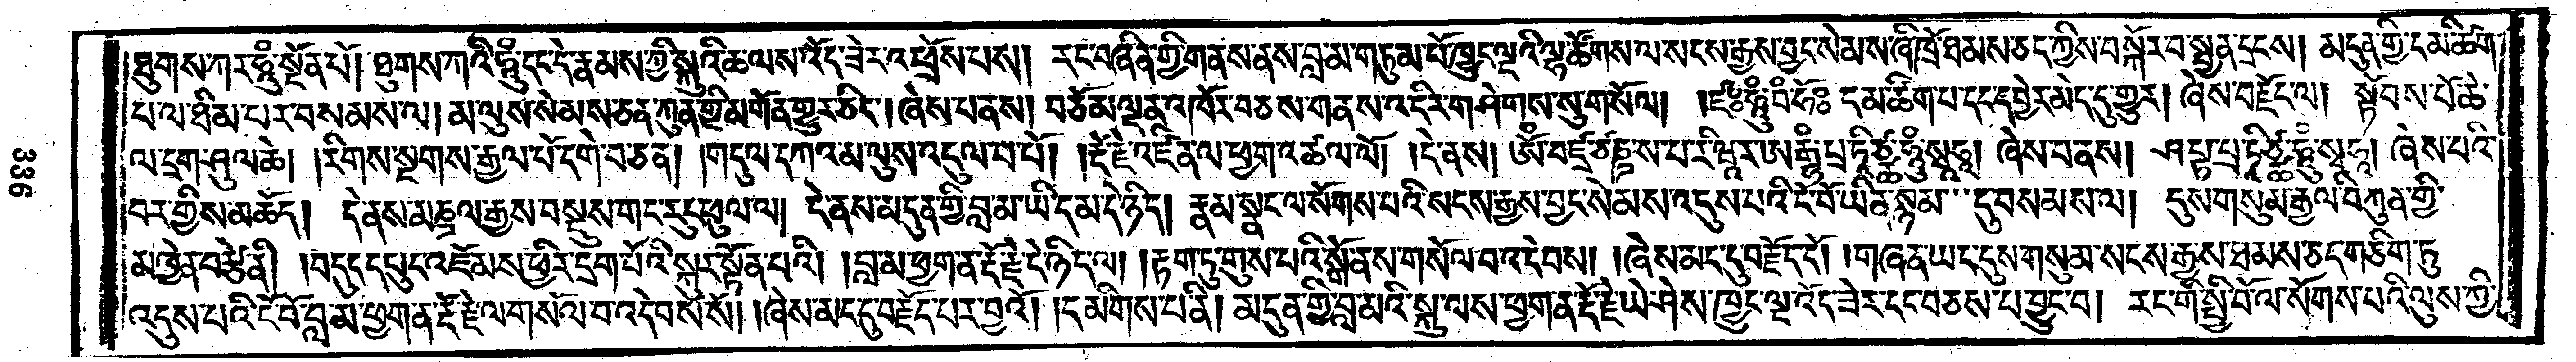ཐུགས་ཀར་ཧཱུཾ་སྔོན་པོ། ཐུགས་ཀའི་ཧཱུཾ་དང་དེ་རྣམས་ཀྱི་སྐུའི་ཆ་ལས་འོད་ཟེར་འཕྲོས་པས། རང་བཞིན་གྱི་གནས་ནས་བླ་མ་གཏུམ་པོ་ཁྱུང་ལྔའི་ལྷ་ཚོགས་ལ་སངས་རྒྱས་བྱང་སེམས་ཞི་ཁྲོ་ཐམས་ཅད་ཀྱིས་བསྐོར་བ་སྤྱན་དྲངས། མདུན་གྱི་དམ་ཚིག་
པ་ལ་ཐིམ་པར་བསམས་ལ། མ་ལུས་སེམས་ཅན་ཀུན་གྱི་མགོན་གྱུར་ཅིང་། ཞེས་པ་ནས། བཅོམ་ལྡན་འཁོར་བཅས་གནས་འདིར་གཤེགས་སུ་གསོལ། །ཛཿ ཧཱུཾ་བཾ་ཧོཿ དམ་ཚིག་པ་དང་དབྱེར་མེད་དུ་གྱུར། ཞེས་བརྗོད་ལ། སྟོབས་པོ་ཆེ་
ལ་དྲག་ཤུལ་ཆེ། །རིགས་སྔགས་རྒྱལ་པོ་དགེ་བ་ཅན། །གདུལ་དཀའ་མ་ལུས་འདུལ་པ་པོ། །རྡོ་རྗེ་འཛིན་ལ་ཕྱག་འཚལ་ལོ། །དེ་ནས། ཨོཾ་བཛྲ་ཙཎྜ་ས་པ་རི་ཝཱ་ར་ཨརྒྷཾ་པྲ་ཏཱིཙྪ་ཧཱུཾ་སྭཱ་ཧཱ། ཞེས་པ་ནས། ཤཔྟ་པྲ་ཏཱིཙྪ་ཧཱུཾ་སྭཱཧཱ། ཞེས་པའི་
བར་གྱིས་མཆོད། དེ་ནས་མཎྜལ་རྒྱས་བསྡུས་གང་རུང་ཕུལ་ལ། དེ་ནས་མདུན་གྱི་བླ་མ་ཡི་དམ་དེ་ཉིད། རྣམ་སྣང་ལ་སོགས་པའི་སངས་རྒྱས་བྱང་སེམས་འདུས་པའི་ངོ་བོ་ཡིན་སྙམ་དུ་བསམས་ལ། དུས་གསུམ་རྒྱལ་བ་ཀུན་གྱི་
མཁྱེན་བརྩེ་ནི། །བདུད་དཔུང་འཇོམས་ཕྱིར་དྲག་པོའི་སྐུར་སྟོན་པའི། །བླ་མ་ཕྱག་ན་རྡོ་རྗེ་དེ་ཉིད་ལ། །རྟག་ཏུ་གུས་པའི་སྒོ་ནས་གསོལ་བ་འདེབས། །ཞེས་མང་དུ་བརྗོད་དོ། །གཞན་ཡང་དུས་གསུམ་སངས་རྒྱས་ཐམས་ཅད་གཅིག་ཏུ་
འདུས་པའི་ངོ་བོ་བླ་མ་ཕྱག་ན་རྡོ་རྗེ་ལ་གསོལ་བ་འདེབས་སོ། །ཞེས་མང་དུ་བརྗོད་པར་བྱའོ། །དམིགས་པ་ནི། མདུན་གྱི་བླ་མའི་སྐུ་ལས་ཕྱག་ན་རྡོ་རྗེ་ཡེ་ཤེས་ཁྱུང་ལྔ་འོད་ཟེར་དང་བཅས་པ་བྱུང་བ། རང་གི་སྤྱི་བོ་ལ་སོགས་པའི་ལུས་ཀྱི་